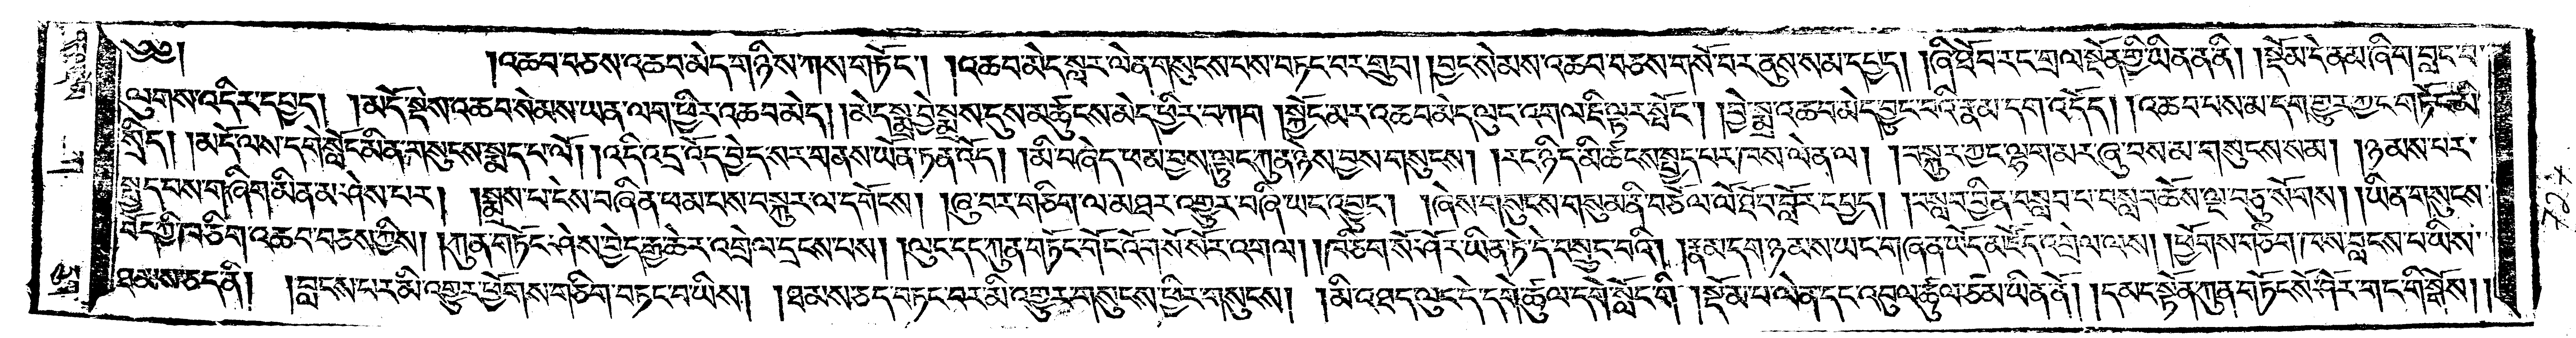༄༅། །འཆབ་བཅས་འཆབ་མེད་གཉིས་ཀས་གཏོང་། །འཆབ་མེད་སླར་ལེན་གསུངས་པས་བཏའ་བར་གྲུབ། །བྱང་སེམས་འཆབ་བཅས་གོས་བར་ནུས་སམ་དཔྱད། །ཞི་ཐོབ་རང་གྲལ་སྔོན་གྱི་ཡིན་ན་ནི། །སྡེམ་དེ་ནམ་ཞིག་བླང་བ་
ལུགས་འདིར་དཔྱད། །མདོ་སྡེས་འཆབ་སེམས་ཡན་ལག་ཕྱིར་འཆབ་མེད། །མེད་སྨྲ་བྱེ་སྨྲས་དུས་མཚུངས་མེད་ཕྱིར་བཀག །སྐྱོད་མར་འཆབ་མེད་ལུང་འགལ་ཇི་ལྟར་སྤོང་། །བྱེ་སྨྲ་འཆབ་མེད་བྱུང་བའི་རྣམ་དག་འདོད། །འཆབ་པས་མ་དག་གྱུར་ཀྱང་གཏོང་མི་
སྲིད། །མངོ་ལས་དགེ་སློང་མིན་གསུངས་སྨད་པ་ལོ། །འདི་འདྲ་འོད་བྱེད་སར་གནས་ཡོན་ཏན་འོད། །མི་བཞེད་ཕམ་བྱས་ལྟུང་ཀུན་ཉེས་བྱས་གསུངས། །རང་ཉིད་མི་ཚངས་སྤྱད་པར་ཁས་ལེན་ལ། །བསྐུར་ཀྱང་ལྷག་མར་ཞུ་བས་མ་གསུངས་སམ། །ཉམས་པར་
སྤྱད་པས་གཞིག་མིན་མ་ཤེས་པར། །སྨྲས་པ་དེས་བཞིན་ཕམ་པས་བསྐུར་ལ་དགོངས། །ཞུ་བར་གཅིག་ལ་མཐར་འགྱུར་བཞི་ཡང་འབྱུང་། །ཞེས་གསུངས་གསུམ་ནི་བཅོལ་ལོ་ཐོབ་བློར་དཔྱད། །བསླབ་བྱིན་བསླབ་པ་བསླབ་ཆོས་ལྔ་བཅུ་སོགས། །ཡིན་གསུངས་
བོད་ཀྱི་ཁ་ཅིག་འཆབ་བཅས་ཀྱིས། །ཀུན་གཏོང་ཤེས་བྱེད་རྒྱ་ཆེར་འགྲེལ་དྲངས་པས། །ལུང་དང་ཀུན་གཏོང་གོང་འོག་སོ་སོར་འགལ། །ཁ་ཅིག་སོ་ཤོར་ཡིན་ཏེ་དེ་བསྲུང་བའི། །རྣམ་དག་ཉམས་ཡང་གཞན་ཡོད་མཛོད་འགྲེལ་ལས། །ཕྱོགས་གཅིག་ཁས་བླངས་པ་ཡིས་
ཐམས་ཅད་ནི། །བླངས་པར་མི་འགྱུར་ཕྱོགས་གཅིག་བཏང་བ་ཡིས། །ཐམས་ཅད་བཏང་བར་མི་འགྱུར་གསུངས་ཕྱིར་གསུངས། །མི་འཐད་ལུང་དེ་དགེ་ཚུལ་དགེ་སློང་གི། །སྔོམ་པ་ལེན་དང་འབུལ་ཚུལ་ཙམ་ཡིན་ནོ། །དམང་སྟོན་ཀུན་གཏོང་སོ་ཤོར་གང་གི་སྒོས།།